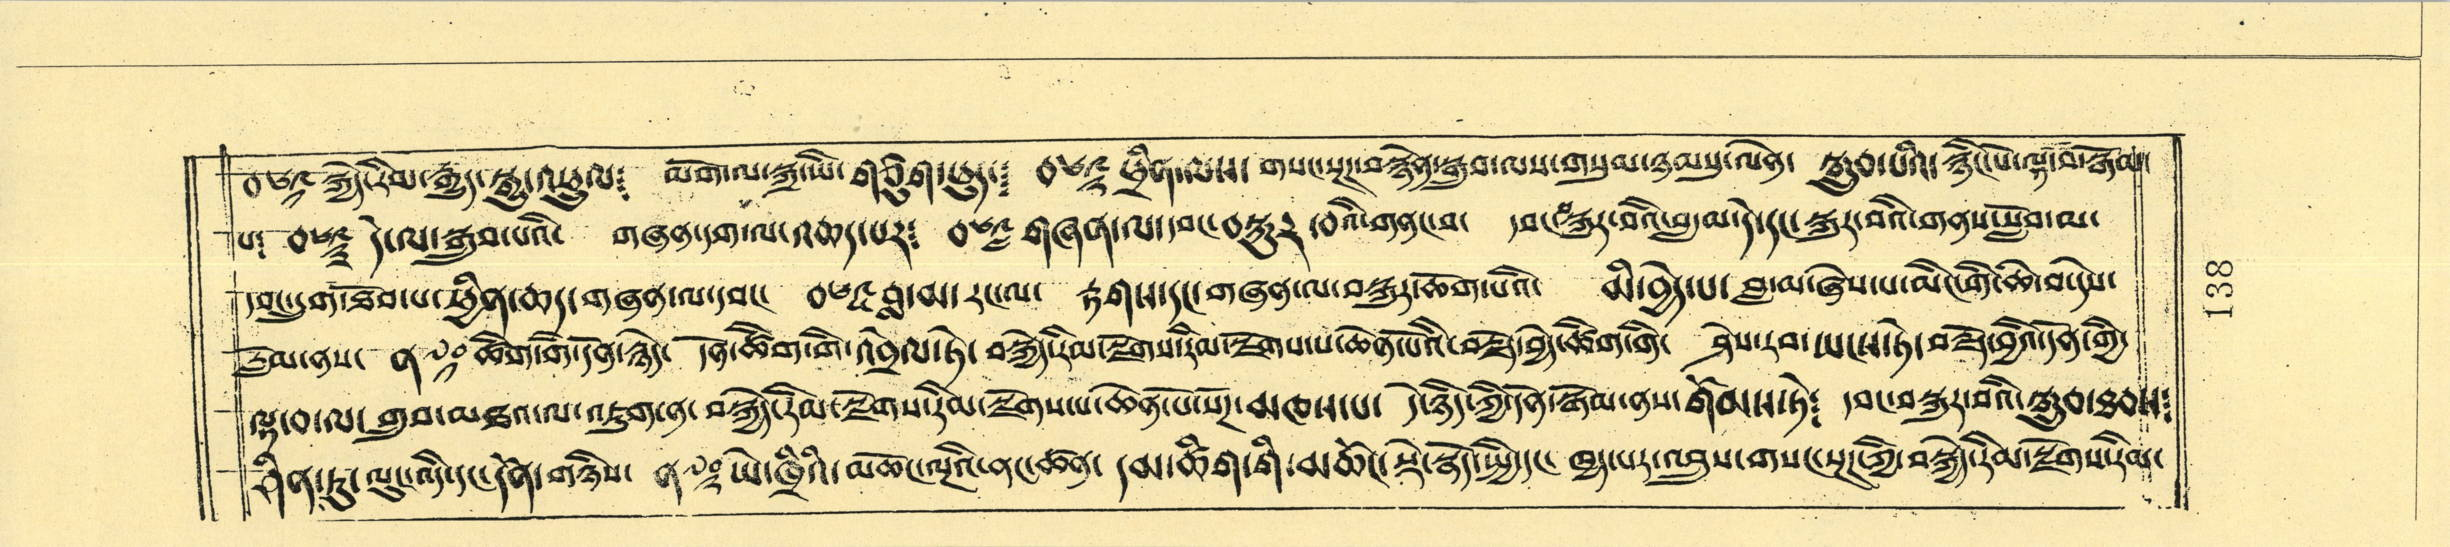བ༦༩།༡བསྐྱེད་རིམ་༼སྒྱུ་འཕྲུལ༽མགོ་ལ་སྐྲ་ཡི་༼གཙུག་ཕུད༽བ༦༩།༢༼ཕྲིན་ལས༽གསང་སྔགས་བསྙེན་སྒྲུབ་ཉམས་སུ་ལེན་༼སྒྲུབ་པའི༽སྙིང་པོ་ལྟ་བ་སྒོམ་
པ་བ༦༢།༣༼དེ་ལ༽སྒྲུབ་པའི་གཞན་དག་ལ་༼འཆད་པར༽བ༦༩།༤༼གཞན་ལ༽དབང་༼བསྐུར་༽བའི་གནང་བ་དབང་བསྐུར་བའི་བླ་མ་དེ་དང་བསྐུར་བའི་གནས་སློབ་མ་
དབང་དྲུག་ཐོབ་པ་༼ཕྱིན་ཆད་༽གཞན་ལ་དབང་བ༦༩།༥༼བླ་མ༽རང་ལ་ ༼རྟགས་དང་༽གཞན་ལ་བསྐུར་ཆོག་པའི་༼མི་བྱེད་པ༽བླ་མ་ཞེས་པ་མིང་གི་ཆེ་བ་དེས་
རློམ་ནས་ན༧༠།༡ ཚིག་གི་དོན་རྙེད་དོན་ཚིག་གི་༼འབྲེལ་ཏེ༽བསྐྱེད་རིམ་རྫོགས་རིམ་རྫོགས་པ་ཆེན་པོའི་རྗོད་བྱེད་ཚིག་གི་ཤེས་རབ་༼ཡངས་ཏེ༽བརྗོད་བྱའི་དོན་གྱི་
ལྟ་བ་ལ་གྲུབ་མཐའ་ལ་འཇུག་ན་བསྐྱེད་རིམ་རྫོགས་རིམ་རྫོགས་པ་ཆེན་པོ་སོགས་༼མཁས་པ༽དེ་ཉིད་ཀྱི་དོན་བསྒོམ་ནས་༼གོམས་ཏེ༽དབང་བསྐུར་བའི་༼སྒྲུབ་ཐབས་
ཤིན་ཏུ་༽ལུང་འདི་དང་༼དོན༽གཉིས་ན༧༠།༢༼ཡེ་ཁྲིའི༽མཆོང་ལྔའི་ནང་ཚན་ ༼དམ་ཚིག་གི་མཆོང་༽ སྡེ་སྣོད་སྤྱི་དང་ཁྱད་པར་འབྲས་བུ་གསང་སྔགས་ཀྱི་བསྐྱེད་རིམ་རྫོགས་རིམ་